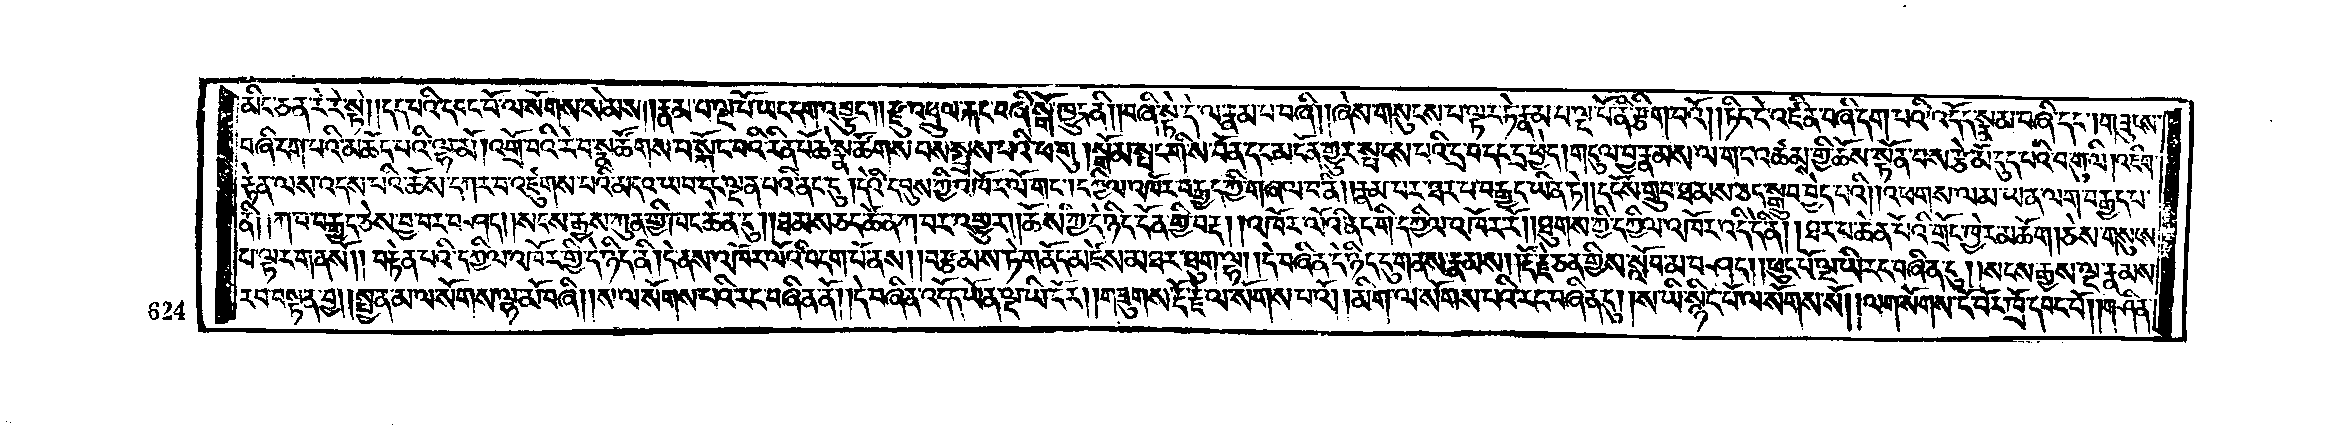མིང་ཅན་རེ་རེ་སྟེ། །དད་པའི་དབང་པོ་ལ་སོགས་སེམས། །རྣམ་པ་ལྔ་པོ་ཡང་དག་འབྱུང་། །རྫུ་འཕྲུལ་རྐང་བཞི་སྒོ་ཁྱུད་ནི། །བཞི་སྟེ་དེ་ལ་རྣམ་པ་བཞི། །ཞེས་གསུངས་པ་ལྟར་ཏེ་རྣམ་པ་ལྔ་པོ་ནི་རྩིག་པའོ། །ཏིང་ངེ་འཛིན་བཞི་དག་པའི་འདོད་སྣམ་བཞི་དང་། གཟུངས་
བཞི་དག་པའི་མཆོད་པའི་ལྷ་མོ། འགྲོ་བའི་རེ་བ་སྣ་ཚོགས་པ་སྐོང་བའི་རིན་པོ་ཆེ་སྣ་ཚོགས་པས་སྤྲས་པའི་ཕ་གུ །སྒོམ་སྤང་གི་ས་བོན་དང་མངོན་གྱུར་སྤངས་པའི་དྲ་བ་དང་དྲ་ཕྱེད། གདུལ་བྱ་རྣམས་ལ་གང་འཚམས་གྱི་ཆོས་སྟོན་པས་རྩེ་མོ་དུད་པའི་བ་གུ་ལི། འཇིག་
རྟེན་ལས་འདས་པའི་ཆོས་དཀར་བ་འཛུགས་པའི་མདའ་ཡབ་དང་ལྡན་པའི་ནང་དུ་།དེའི་དབུས་ཀྱི་འཁོར་ལོ་གང་། དཀྱིལ་འཁོར་བརྒྱད་ཀྱི་གཞལ་བ་ནི། །རྣམ་པར་ཐར་པ་བརྒྱད་ཡིན་ཏེ། །དངོས་གྲུབ་ཐམས་ཅད་སྒྲུབ་བྱེད་པའི། །འཕགས་ལམ་ཡན་ལག་བརྒྱད་པ་
ནི། །ཀ་བ་བརྒྱད་ཅེས་བྱ་བར་བཤད། །སངས་རྒྱས་ཀུན་གྱི་ཁང་ཆེན་དུ། །ཐམས་ཅད་ཚེ་ན་ཀ་བར་འགྱུར། །ཆོས་ཀྱི་དེ་ཉིད་དོན་གྱི་བརྡ། །འཁོར་ལོའི་ནང་གི་དཀྱིལ་འཁོར་རོ། །ཐུགས་ཀྱི་དཀྱིལ་འཁོར་འདི་དེ་ནི། །ཐར་པ་ཆེན་པོའི་གྲོང་ཁྱེར་མཆོག །ཅེས་གསུངས་
པ་ལྟར་གནས་སོ། །བརྟེན་པའི་དཀྱིལ་འཁོར་གྱི་དེ་ཉིད་ནི། དེ་ནས་འཁོར་ལོའི་བདག་པོ་ནས། །བརྩམས་ཏེ་གནོད་མཛེས་མཐར་ཐུག་ལྷ། །དེ་བཞིན་དེ་ཉིད་དུ་གནས་རྣམས། །རྡོ་རྗེ་ཅན་གྱིས་སློབ་མ་བཤད། །ཕུང་པོ་ལྔ་ཡི་རང་བཞིན་དུ། །སངས་རྒྱས་ལྔ་རྣམས་
རབ་བསྟན་བྱ། །སྤྱན་མ་ལ་སོགས་ལྷ་མོ་བཞི། །ས་ལ་སོགས་པའི་རང་བཞིན་ནོ། །དེ་བཞིན་འདོད་ཡོན་ལྔ་ཡི་ངོར། །གཟུགས་རྡོ་རྗེ་ལ་སོགས་པའོ། །མིག་ལ་སོགས་པའི་རང་བཞིན་དུ། །ས་ཡི་སྙིང་པོ་ལ་སོགས་སོ། །ལག་སོགས་ངོ་བོར་ཁྲོ་དབང་པོ། །གཤིན་